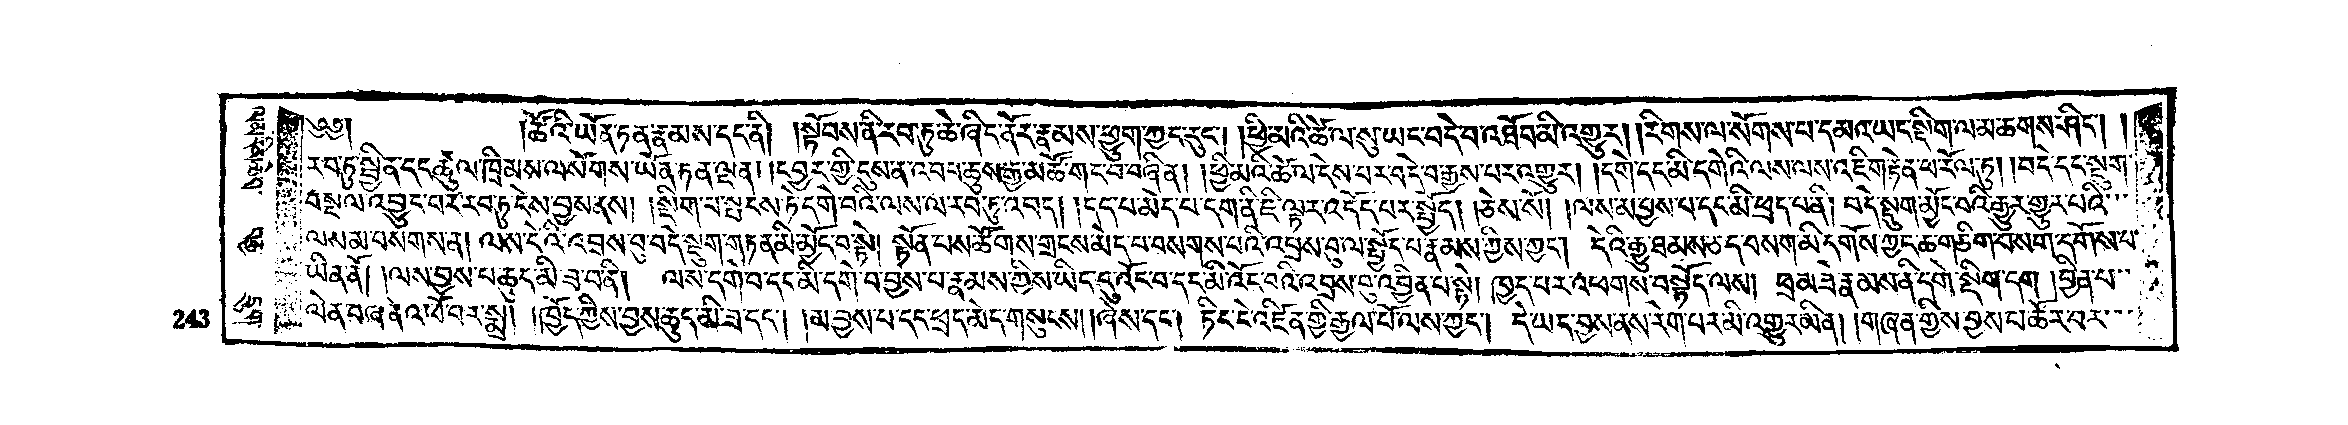༄༅། །ཚོའི་ཡོན་ཏན་རྣམས་དང་ནི། །སྟོབས་ནི་རབ་ཏུ་ཆེ་ཞིང་ནོར་རྣམས་ཕྱུག་ཀྱང་རུང་། །ཕྱི་མའི་ཚེ་ལ་སུ་ཡང་བདེ་བ་འཐོབ་མི་འགྱུར། །རིགས་ལ་སོགས་པ་དམའ་ཡང་སྡིག་ལམ་ཆགས་ཤིང་། །
རབ་ཏུ་སྦྱིན་དང་ཚུལ་ཁྲིམས་ལ་སོགས་ཡོན་ཏན་ལྡན། །དབྱར་གྱི་དུས་ན་འབབ་ཆུས་རྒྱ་མཚོ་གང་བ་བཞིན། །ཕྱི་མའི་ཚེ་ལ་ངེས་པར་བདེ་བ་རྒྱས་པར་འགྱུར། །དགེ་དང་མི་དགེའི་ལས་ལས་འཇིག་རྟེན་ཕ་རོལ་ཏུ། །བདེ་དང་སྡུག་
བསྔལ་འབྱུང་བར་རབ་ཏུ་ངེས་བྱས་ནས། །སྡིག་པ་སྤངས་ཏེ་དགེ་བའི་ལས་ལ་རབ་ཏུ་འབད། །དད་པ་མེད་པ་དག་ནི་ཇི་ལྟར་འདོད་པར་སྤྱོད། །ཅེས་སོ། །ལས་མ་བྱས་པ་དང་མི་ཕྲད་པ་ནི། བདེ་སྡུག་མྱོང་བའི་རྒྱུར་གྱུར་པའི་
ལས་མ་བསགས་ན། ལས་དེའི་འབྲས་བུ་བདེ་སྡུག་གཏན་མི་མྱོང་བ་སྟེ། སྟོན་པས་ཚོགས་གྲངས་མེད་པ་བསགས་པའི་འབྲས་བུ་ལ་སྤྱོད་པ་རྣམས་ཀྱིས་ཀྱང་། དེའི་རྒྱུ་ཐམས་ཅད་བསག་མི་དགོས་ཀྱང་ཆ་གཅིག་བསག་དགོས་པ་
ཡིན་ནོ། །ལས་བྱས་པ་ཆུད་མི་ཟ་བ་ནི། ལས་དགེ་བ་དང་མི་དགེ་བ་བྱས་པ་རྣམས་ཀྱིས་ཡིད་དུ་འོང་བ་དང་མི་འོང་བའི་འབྲས་བུ་འབྱིན་པ་སྟེ། ཁྱད་པར་འཕགས་བསྟོད་ལས། བྲམ་ཟེ་རྣམས་ནི་དགེ་སྡིག་དག །བྱིན་པ་
ལེན་བཞིན་འཕོ་བར་སྨྲ། །ཁྱོད་ཀྱིས་བྱས་ཆུད་མི་ཟ་དང་། །མ་བྱས་པ་དང་ཕྲད་མེད་གསུངས། །ཞེས་དང་། ཏིང་ངེ་འཛིན་གྱི་རྒྱལ་པོ་ལས་ཀྱང་། དེ་ཡང་བྱས་ནས་རེག་པར་མི་འགྱུར་མིན། །གཞན་གྱིས་བྱས་པ་ཚོར་བར་